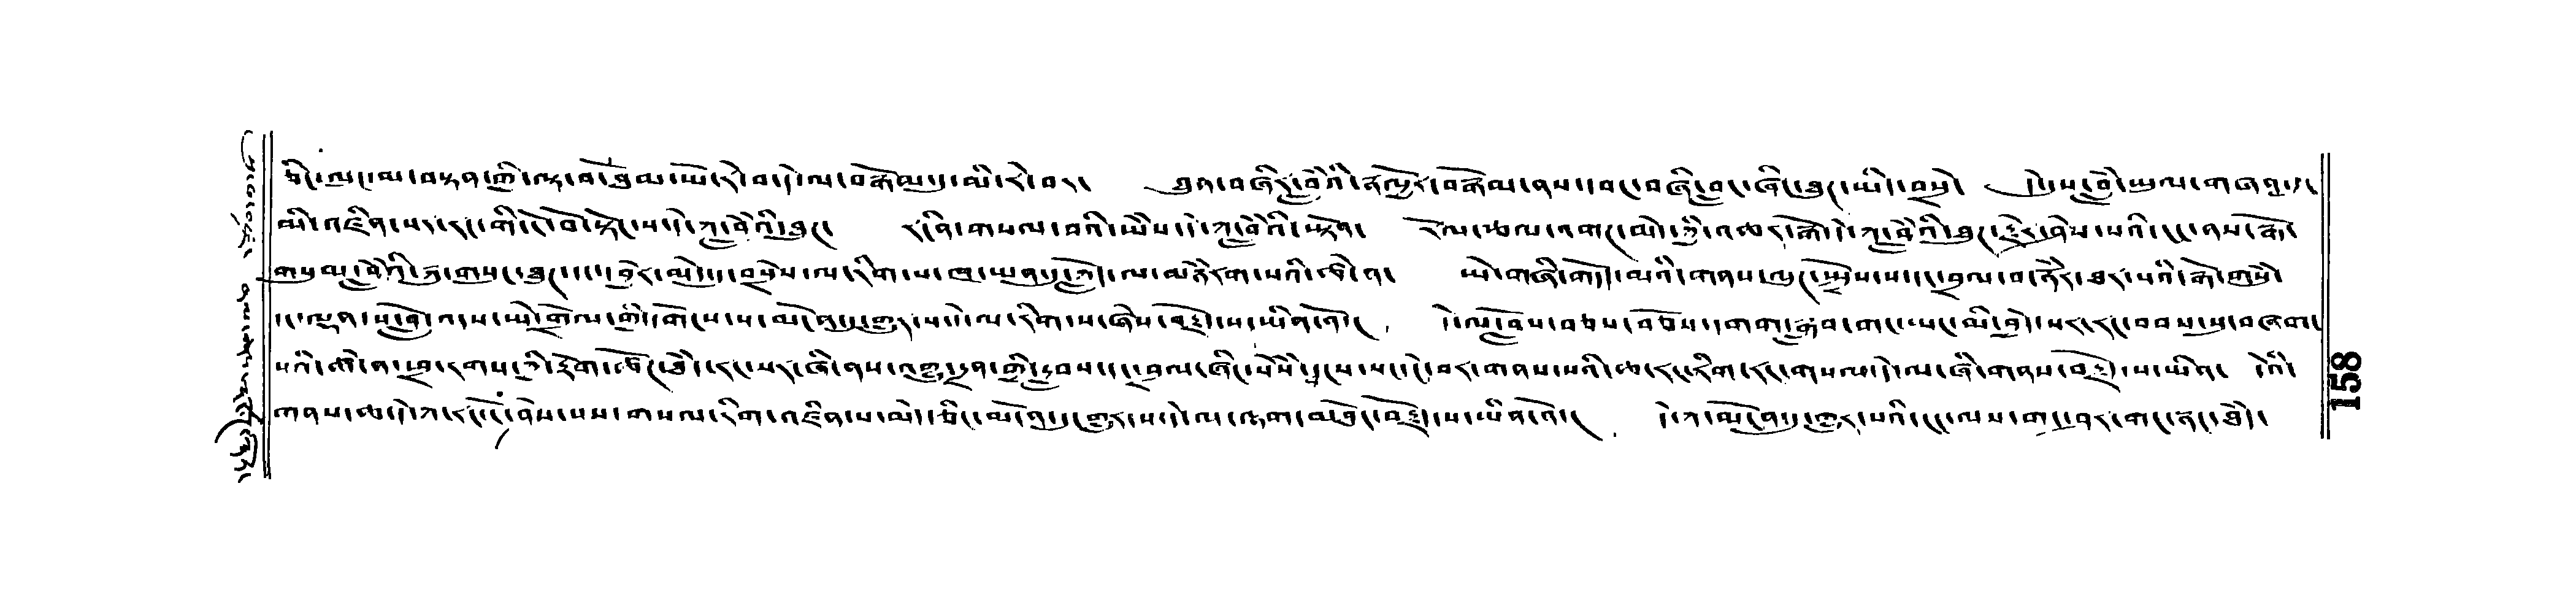ཅིང་ལུང་མ་བསྟན་གྱི་ལྟ་བ་ཐོམ་ཡོ་རེ་བ་དེ་ལ་བསྒོམ་དུ་མི་རེ་བར། ཐུན་བཞིར་བླ་མའི་རྣལ་འབྱོར་བསྒོམ་ནས་དབང་བཞི་བླང་ཞིང་ཐུགས་ཡིད་བསྲེ། དེ་དུས་བླ་མ་ཡུལ་གཞན་དུ་
མི་འཛིན་པར་རང་གི་ངོ་བོ་སྟོང་པ་དེ་ཀ་བླ་མའི་ཐུགས། རང་བཞིན་གསལ་བའི་ཡེ་ཤེས་དེ་ཀ་བླ་མའི་ཡོན་ཏན། རོལ་རྩལ་འགགས་མེད་ཀྱི་འཆར་སྒོ་དེ་ཀ་བླ་མའི་ཐུགས་རྗེར་ཤེས་པའི་ངང་ནས་སྒོ་
གསུམ་བླ་མའི་སྐུ་གསུང་ཐུགས་དང་དབྱེར་མེད་དུ་བསྲེས་ལ་རིག་པ་ཁ་ཡན་དུ་ཀློད་ལ་མཉམ་པར་བཞག་པའི་ཚེ་ན། ཡེ་གཞི་གདོད་མའི་གནས་ལུགས་སྤྲོས་པ་དང་བྲལ་བ་རྣམ་པར་ཐར་པའི་སྒོ་གསུམ་
དང་ལྡན་པ་བློ་འདས་ཡེ་གྲོལ་གྱི་དགོངས་པ་མངོན་དུ་གྱུར་པ་དེ་ལ་རིག་པ་ཞེས་བརྗོད་པ་ཡིན་ནོ། དེ་ལ་བློས་བཅས་བཅོས་དགག་སྒྲུབ་གང་ཡང་མི་བྱེད་པར་རང་བབས་སུ་བཞག་
པའི་ཚེ་ན་ཕྲ་རགས་ཀྱི་རྟོག་ཚོགས་ཐམས་ཅད་རང་སར་ཞི་ནས་འགྱུ་དྲན་གྱི་རླབས་དང་བྲལ་ཞིང་སེམས་དྭངས་སང་ངེ་བར་གནས་པའི་ཆ་རང་རིག་རང་གསལ་དེ་ལ་ཞི་གནས་བརྗོད་པ་ཡིན། དེའི་
གནས་ཆ་དེ་ཀ་རང་ངོ་ཤེས་པས་གསལ་རིག་འཛིན་པ་མེད་ཅིང་མངོན་དུ་གྱུར་པ་དེ་ལ་ལྷག་མཐོང་བརྗོད་པ་ཡིན་ནོ། དེ་ཀ་མངོན་དུ་གྱུར་པའི་ངང་ལས་གང་ཤར་གང་སྣང་ཐམས་ཅད་